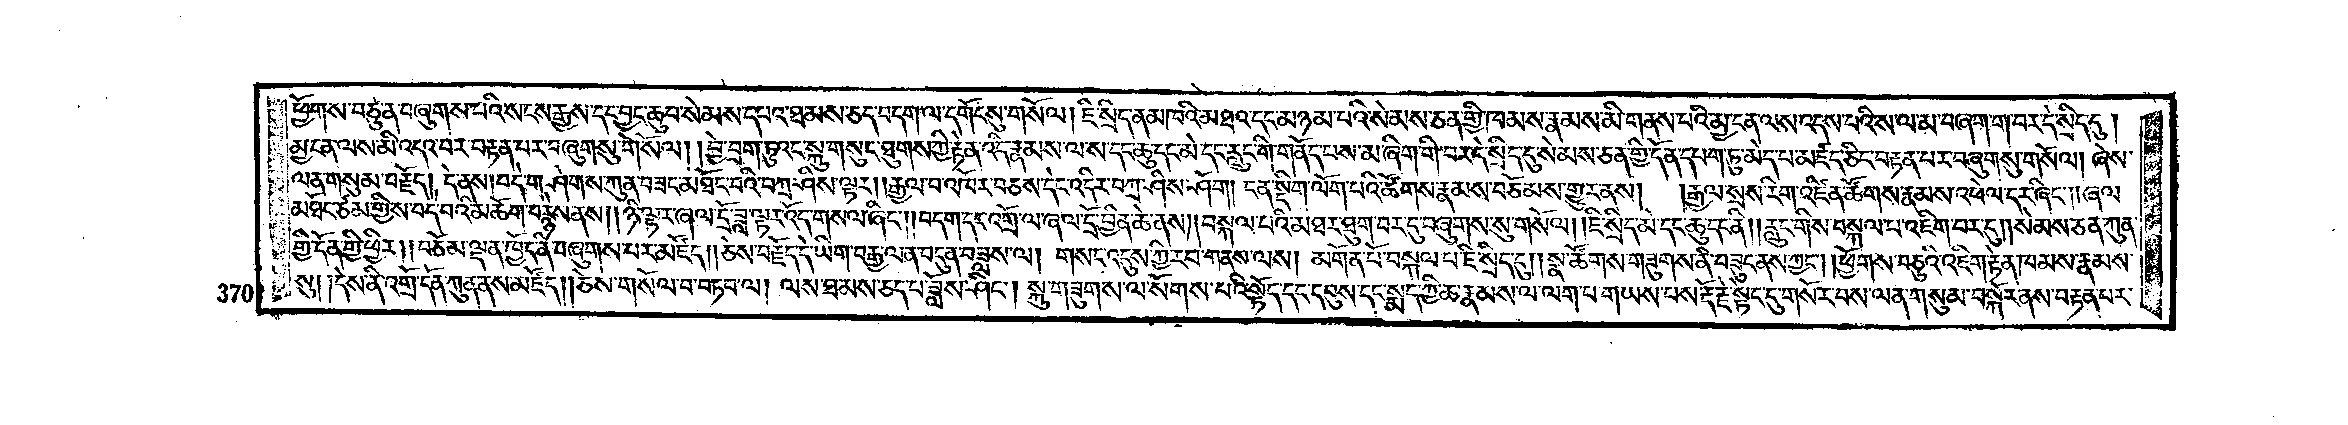ཕྱོགས་བཅུ་ན་བཞུགས་པའི་སངས་རྒྱས་དང་བྱང་ཆུབ་སེམས་དཔའ་ཐམས་ཅད་བདག་ལ་དགོངས་སུ་གསོལ། ཇི་སྲིད་ནམ་མཁའི་མཐའ་དང་མཉམ་པའི་སེམས་ཅན་གྱི་ཁམས་རྣམས་མི་གནས་པའི་མྱ་ངན་ལས་འདས་པའི་ས་ལ་མ་བཞག་གི་བར་དེ་སྲིད་དུ།
མྱ་ངན་ལས་མི་འདའ་བར་བརྟན་པར་བཞུགས་སུ་གསོལ། །བྱེ་བྲག་ཏུའང་སྐུ་གསུང་ཐུགས་ཀྱི་རྟེན་འདི་རྣམས་ལ་ས་དང་ཆུ་དང་མེ་དང་རླུང་གི་གནོད་པས་མ་ཞིག་གི་བར་དེ་སྲིད་དུ་སེམས་ཅན་གྱི་དོན་དཔག་ཏུ་མེད་པ་མཛད་ཅིང་བརྟན་པར་བཞུགས་སུ་གསོལ། ཞེས་
ལན་གསུམ་བརྗོད། དེ་ནས། བདེ་གཤེགས་ཀུན་བཟང་མཐོང་བའི་བཀྲ་ཤིས་ལྟར། །རྒྱལ་བ་འཁོར་བཅས་དེང་འདིར་བཀྲ་ཤིས་ཤོག །ངན་སྡིག་ལོག་པའི་ཚོགས་རྣམས་བཅོམས་གྱུར་ནས། །རྒྱལ་སྲས་རིག་འཛིན་ཚོགས་རྣམས་འཕེལ་དར་ཞིང་། །ཞལ་
མཐོང་ཙམ་གྱིས་བདེ་བའི་མཆོག་བརྙེས་ནས། །ཉི་ལྟར་ཞལ་དྲོ་ཟླ་ལྟར་འོད་གསལ་ཞིང་། །བདག་དང་འགྲོ་ལ་ཞལ་དྲོ་བྱིན་ཆེ་ནས། །བསྐལ་པའི་མཐར་ཐུག་བར་དུ་བཞུགས་སུ་གསོལ། །ཇི་སྲིད་མེ་དང་ཆུ་དང་ནི། །རླུང་གིས་བསྐལ་པ་འཇིག་པར་དུ། །སེམས་ཅན་ཀུན་
གྱི་དོན་གྱི་ཕྱིར། །བཅོམ་ལྡན་ཁྱོད་ནི་བཞུགས་པར་མཛོད། །ཅེས་བརྗོད་དེ་ཡིག་བརྒྱ་ལན་བདུན་བཟླས་ལ། གསང་འདུས་ཀྱི་རང་?་བསྡུས་?་ལས། མགོན་པོ་བསྐལ་པ་ཇི་སྲིད་དུ། །སྣ་ཚོགས་གཟུགས་ནི་བཟུང་ནས་ཀྱང་། །ཕྱོགས་བཅུའི་འཇིག་རྟེན་ཁམས་རྣམས་
སུ། །དེས་ནི་འགྲོ་དོན་ཀུན་ནས་མཛོད། །ཅེས་གསོལ་བ་བཏབ་ལ། ལས་ཐམས་ཅད་པ་ཟློས་ཤིང་། སྐུ་གཟུགས་ལ་སོགས་པའི་སྟོད་དང་དབུས་དང་སྨད་ཀྱི་ཆ་རྣམས་ལ་ལག་པ་གཡས་པས་རྡོ་རྗེ་སྟེང་དུ་གསོར་བས་ལན་གསུམ་བསྐོར་ནས་བརྟན་པར་